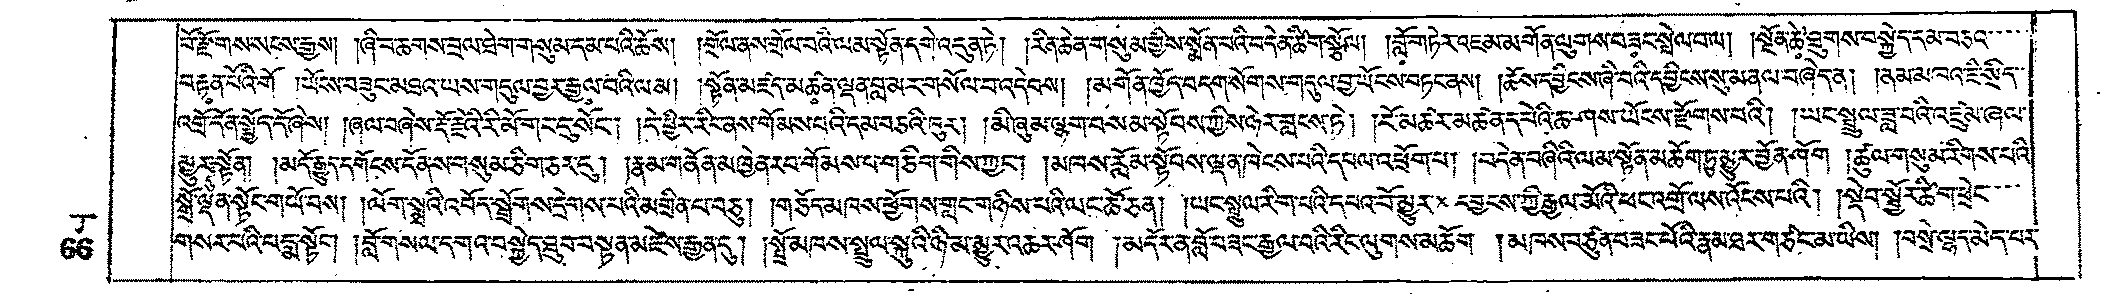བོ་རྫོགས་སངས་རྒྱས། །ཞི་བ་ཆགས་བྲལ་ཐེག་གསུམ་དམ་པའི་ཆོས། །གྲོལ་ནས་གྲོལ་བའི་ལམ་སྟོན་དགེ་འདུན་ཏེ། །རིན་ཆེན་གསུམ་གྱིས་སྨོན་པའི་བདེན་ཚིག་སྩོལ། །བློ྾་གཏེར་འཇམ་མགོན་ལུགས་བཟང྾་སྤེལ་བ་ལ། །སྔོན་ཆེ྾་ཐུགས་བསྐྱེད་དམ་བཅའ་་་
བརྟན྾་པོའི་གོ །ཡོངས་བཟུང་མཐའ་ཡས་གདུལ་བྱར་རྒྱལ྾་བའི་ལམ། །སྟོན་མཛད་མཚན྾་ལྡན་བླ་མར་གསོལ་བ་འདེབས། །མགོན་ཁྱོད་བདག་སོགས་གདུལ་བྱ་ཡོངས་བཏང་ནས། །ཆོས་དབྱིངས་ཞི་བའི་དབྱིངས་སུ་མནལ་བཞེད་ན། །ནམ་མཁའ་ཇི་སྲིད་་་
འགྲོ་དོན་སྤྱོད་དོ་ཞེས། །ཞལ་བཞེས་རྡོ་རྗེའི་རི་མོ་གང་དུ་སོང་། །དེ་ཕྱིར་རིང་ནས་གོམས་པའི་དམ་བཅའི་ཁུར། །མི་ཞུམ་ལྷག་བསམ་སྟོབས་ཀྱིས་ཉེར་བླངས་ཏེ། །ངོ་མཚར་མཚན་དཔེའི་ཆ་ཤས་ཡོངས་རྫོགས་པའི། །ཡང་སྤྲུལ་ཟླ་བའི་འཛུམ་ཞལ་
མྱུར་དུ་སྟོན། །མདོ་རྒྱུད་དགོངས་དོན་ས་གསུམ་ཅིག་ཅར་དུ། །རྣམ་གནོན་མཁྱེན་རབ་གོམས་པ་གཅིག་གིས་ཀྱང་། །མཁས་རློམ་སྟོབས་ལྡན་ཁེངས་པའི་དཔལ་འཕྲོག་པ། །བདེན་བཞིའི་ལམ་སྟོན་མཆོག་ཏུ་མྱུར་བྱོན་ཤོག །ཚུལ་གསུམ་རིགས་པའི་
སྒྲོ་ལྡན་སྟོང་གཡོ་བས། །ལོག་སྨྲའི་འབོད་སྒྲོགས་དྲེགས་པའི་མགྲིན་པ་བཅུ། །གཅོད་མཁས་ཕྱོགས་གླང་གཉིས་པའི་ལང་ཚོ་ཅན། །ཡང་སྤྲུལ་རིག་པའི་དཔའ་བོ་མྱུར་྾་དབྱངས་ཀྱི་རྒྱལ་མོའི་ཕང་འགྲོ་ལས་འོངས་པའི། །སྡེབས་སྦྱོར་ཚིག་ཕྲེང་་་
གསར་པའི་པདམ་སྟོང་། །བློ་གསལ་དགའ་བསྐྱེད་ཐུབ་བསྟན་མཛེས་རྒྱན་དུ། །སྤྲོ་མཁས་སྤྲུལ་སྐུའི་ཉི་མ་མྱུར་འཆར་ཤོག །མདོར་ན་བློ་བཟང་རྒྱལ་བའི་རིང་ལུགས་མཆོག །མཁས་བཙུན་བཟང་པོའི་རྣམ་ཐར་གཙང་མ་ཡིས། །བསྲེ་ལྷད་མེད་པར་